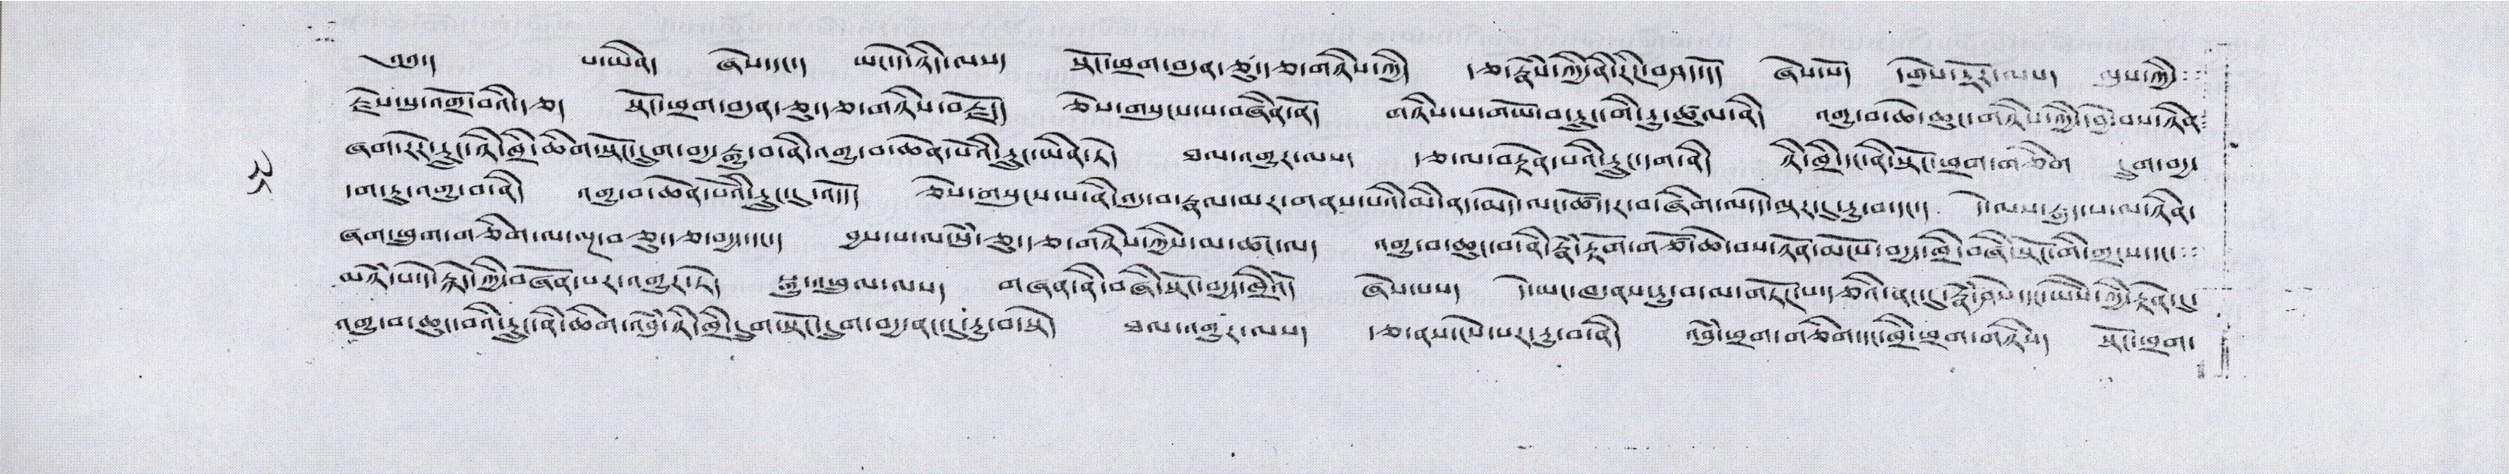པ་ཡིན། ཞེས་དང་། ཡང་དེ་ཉིད་ལས། སྟོང་ཕྲག་བདུན་ཅུ་རྩ་གཉིས་ཀྱི། རྩ་རྣམས་ཀྱི་ནི་རིགས་བཤད་དོ། ཞེས་སོ། དགྱེས་རྡོར་ལས། ལུས་ཀྱི་
རྗེས་སུ་འགྲོ་བའི་རྩ། སྟོང་ཕྲག་བདུན་ཅུ་རྩ་གཉིས་བརྗོད། ཅེས་གསུངས་པ་བཞིན་ནོ། །གཉིས་པ་གཡོ་བ་རླུང་གི་རྒྱུ་ཚུལ་ནི། འགྱུ་བ་ཆེ་ཆུང་གཉིས་ཀྱི་བྱེ་བས་ཉིན་
ཞག་རེར་རླུང་ཉི་ཁྲི་ཆིག་སྟོང་དྲུག་བརྒྱ་རྒྱུ་བ་ནི་འགྱུ་བ་ཆེན་པོའི་རླུང་ཡིན་ཏེ། ཐལ་འགྱུར་ལས། རྩ་ལ་བརྟེན་པའི་རླུང་དག་ནི། ཉི་ཁྲི་དང་ནི་སྟོང་ཕྲག་གཅིག དྲུག་བརྒྱ་
དག་ཏུ་འགྱུ་བ་ནི། འགྱུ་བ་ཆེན་པོའི་རླུང་དུ་འདོད། ཅེས་གསུངས་པ་ནི་རྣལ་མར་གནས་པའི་མི་ནད་མེད་ལང་ཚོ་དར་བ་ཞིག་ལ་དེ་ལྟར་རྒྱུ་བ་དང་། དེ་ལས་རྒུད་པ་ལ་ཉིན་
ཞག་ཕྲུག་གཅིག་ལ་ལྔ་བཅུ་རྩ་བརྒྱད་དང་། བྱས་པ་ལ་སུམ་ཅུ་རྩ་གཉིས་ཀྱིས་མ་ཚང་ལ། འགྱུ་བ་ཆུང་བ་ནི་རྣམ་རྟོག་གཙོ་ཆེ་བས་ཉོན་མོངས་བརྒྱད་ཁྲི་བཞི་སྟོང་གི་གྲངས་དང་
མཉམ་པ་དེ་ཉིད་ཀྱི་བཞོན་པར་འགྱུར་ཏེ། སྒྱུ་འཕྲུལ་ལས། གཞན་ནི་བཞི་སྟོང་བརྒྱད་ཁྲིའོ། ཞེས་པས་དེ་ཡང་ཁ་ནས་རྒྱུ་བ་མ་གཏོགས་པ་རྩ་ཡི་ནང་དུ་རྣམ་ཤེས་དང་ཡེ་ཤེས་ཀྱི་རྟེན་དུ་
འགྱུ་བ་ཆུང་བའི་རླུང་ནི་ཆིག་འབུམ་ཉི་ཁྲི་ཆིག་སྟོང་དྲུག་བརྒྱ་ནང་དུ་རྒྱུ་བ་སྟེ། ཐལ་འགྱུར་ལས། རྩ་ནས་ངེས་པར་རྒྱུ་བ་ནི། འབུམ་ཕྲག་གཅིག་དང་ཁྲི་ཕྲག་གཉིས། སྟོང་ཕྲག་